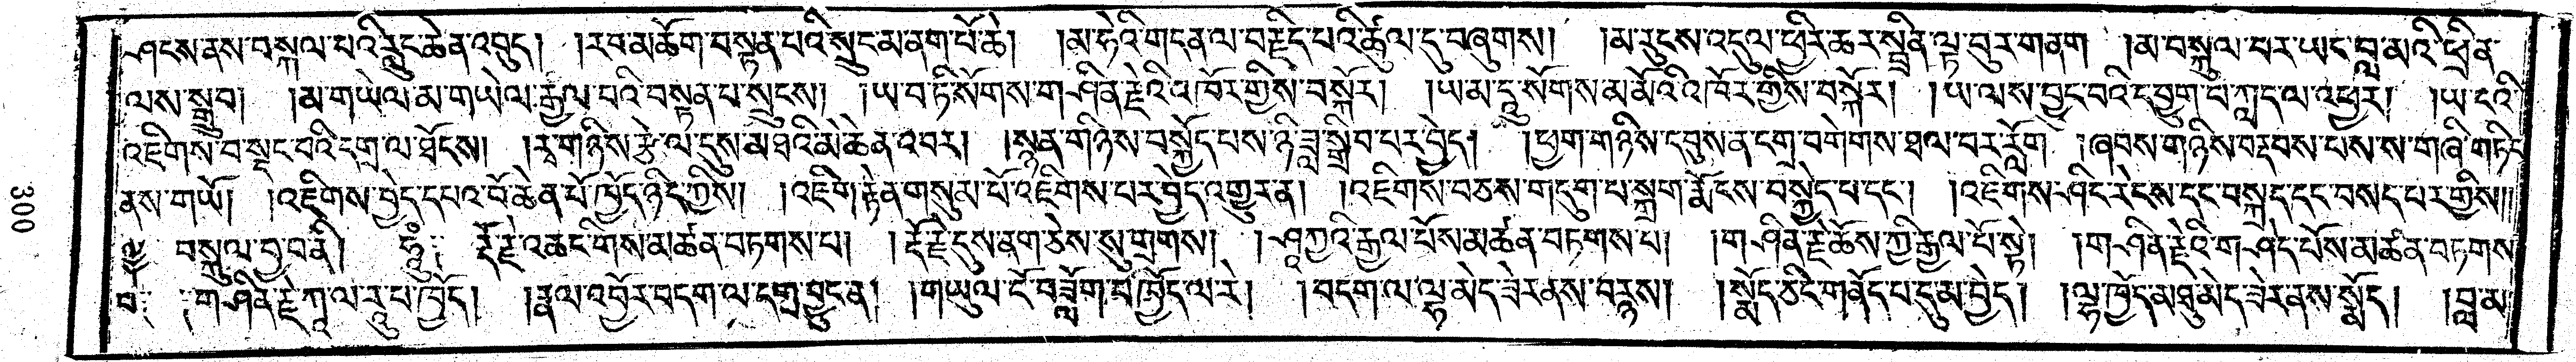ཤངས་ནས་བསྐལ་པའི་རླུང་ཆེན་འབུད། །རབ་མཆོག་བསྟན་པའི་སྲུང་མ་ནག་པོ་ཆེ། །མ་ཧེའི་གདན་ལ་བརྗིད་པའི་ཚུལ་དུ་བཞུགས། །མ་རུངས་འདུལ་ཕྱིར་ཆར་སྦྲིན་ལྟ་བུར་གནག །མ་བསྐུལ་པར་ཡང་བླ་མའི་ཕྲིན་
ལས་སྒྲུབ། །མ་གཡེལ་མ་གཡེལ་རྒྱལ་པའི་བསྟན་པ་སྲུངས། །ཡབ་ཏི་སོགས་གཤིན་རྗེའི་འཁོར་གྱིས་བསྐོར། །ཡ་མ་དཱུ་སོགས་མ་མོའི་འཁོར་གྱིས་བསྐོར། །ཡ་ལས་བྱུང་བའི་དབྱུག་པ་ཀླད་ལ་འཕྱར། །ཡ་ངའི་
འཇིགས་བ་སྡང་བའི་དགྲ་ལ་ཐོངས། །རྭ་གཉིས་རྩེ་ལ་དུས་མཐའི་མེ་ཆེན་འབར། །སྙན་གཉིས་བསྐྱོད་པས་ཉི་ཟླ་སྒྲིབ་པར་བྱེད། །ཕྱག་གཉིས་དབུས་ན་དགྲ་བགེགས་ཐལ་བར་རློག །ཞབས་གཉིས་བརྡབས་པས་ས་གཞི་གཏིང་
ནས་གཡོ། །འཇིགས་བྱེད་དཔའ་བོ་ཆེན་པོ་ཁྱོད་ཉིད་ཀྱིས། །འཇིག་རྟེན་གསུམ་པོ་འཇིགས་པར་བྱེད་འགྱུར་ན། །འཇིགས་བཅས་གདུག་པ་སྒྲག་རྨོངས་བསྐྱེད་པ་དང་། །འཇིགས་ཤིང་རེངས་དང་བསྐྲད་དང་བསད་པར་གྱིས། །
༈ བསྐུལ་བྱ་བ་ནི། ཧཱུཾ༑ རྡོ་རྗེ་འཆང་གིས་མཚན་བཏགས་པ། །རྡོ་རྗེ་དུས་ནག་ཅེས་སུ་གྲགས། །ཤཱཀྱའི་རྒྱལ་པོས་མཚན་བཏགས་པ། །གཤིན་རྗེ་ཆོས་ཀྱི་རྒྱལ་པོ་སྟེ། །གཤིན་རྗེའི་གཤེད་པོས་མཚན་བཏགས་
བ༑ ༑གཤིན་རྗེ་ཀཱ་ལ་རཱུ་པ་ཁྱོད། །རྣལ་འབྱོར་བདག་ལ་དགྲ་བྱུང་ན། །གཡུལ་ངོ་བཟློག་པ་ཁྱོད་ལ་རེ། །བདག་ལ་ལྷ་མེད་ཟེར་ནས་བརྙས། །སྨོད་ཅིང་གནོད་པ་དུ་མ་བྱེད། །ལྷ་ཁྱོད་མཐུ་མེད་ཟེར་ནས་སྨོད། །བླ་མ་